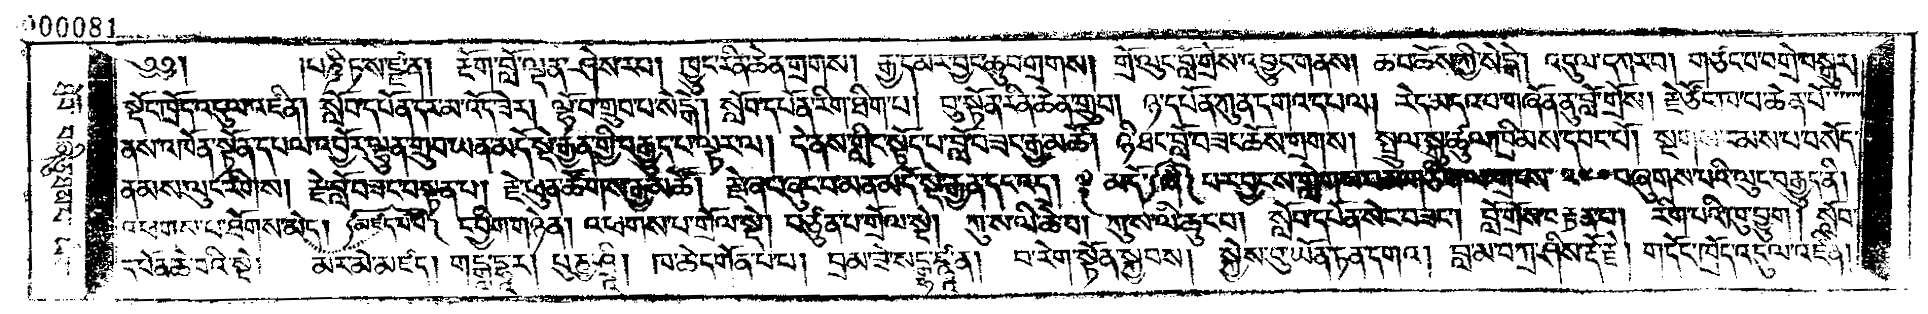༄༅། །པཎྜི་ཏ་ས་ཛྫ་ན། རྔོག་བློ་ལྡན་ཤེས་རབ། ཁྱུང་རིན་ཆེན་གྲགས། རྒྱ་དམར་བྱང་ཆུབ་གྲགས། གྲོ་ལུང་བློ་གྲོས་འབྱུང་གནས། ཆ་བ་ཆོས་ཀྱི་སེངྒེ། འདུལ་དཀར་བ། གཙང་བ་བགྲེ་བསྒུར།
སྡོང་ཁྲོད་འདུལ་འཛིན། སློབ་དཔོན་དར་མ་འོད་ཟེར། ལྷོ་བ་གྲུབ་པ་སེངྒེ། སློབ་དཔོན་རིག་ཐིག་པ། བུ་སྟོན་རིན་ཆེན་གྲུབ། ཉ་དཔོན་ཀུན་དགའ་དཔལ། རེད་མདའ་བ་གཞོན་ནུ་བློ་གྲོས། རྗེ་ཙོང་ཁ་པ་ཆེན་པོ་
ནས་འཁོན་སྟོན་དཔལ་འབྱོར་ལྷུན་གྲུབ་ཡན་མདོ་སྡེ་རྒྱན་གྱི་བརྒྱུད་པ་ལྟར་ལ། དེ་ནས་གླིང་སྟོད་པ་བློ་བཟང་རྒྱ་མཚོ། ཉི་ཐང་བློ་བཟང་ཆོས་གྲགས། སྤྲུལ་སྐུ་ཚུལ་ཁྲིམས་དབང་པོ། སྔགས་རམས་པ་བསོད་
ནམས་ལུང་རིགས། རྗེ་བློ་བཟང་བསྟན་པ། རྗེ་ཕུན་ཚོགས་རྒྱ་མཚོ། རྗེ་ཞང་ཞུང་བ་མན་མདོ་སྡེ་རྒྱན་དང་འདྲ། ༈ མདོ ༼ཞི༽ པར་བྱངས་གླེགས་བམ་གཅིག་ལ་གྲངས ༢༤༠་བཞུགས་པའི་ལུང་བརྒྱུད་ནི།
འཕགས་པ་ཐོགས་མེད་༼མཛད་པ་པོ༽་དབྱིག་གཉེན། འཕགས་པ་གྲོལ་སྡེ། བཙུན་པ་གྲོལ་སྡེ། ཀུ་ས་ལི་ཆེ་བ། ཀུ་ས་ལི་ཆུང་བ། སློབ་དཔོན་སེང་བཟང་། བློ་གྲོས་བརྟན་པ། རིག་པའི་ཁུ་བྱུག། སློབ་
དཔོན་ཆེ་བའི་སྡེ། མར་མེ་མཛད། གངྒཱ་དྷཱ་ར། པུཎྱ་ཤྲཱི། ཁ་ཆེ་དགོན་པ་པ། བྲམ་ཟེ་སངྒྷ་ཛྙཱ་ན། བ་རེག་སྟོན་སྐྱབས། སྐྱེས་བུ་ཡོན་ཏན་དགའ། བླ་མ་བཀྲ་ཤིས་རྡོ་རྗེ། གདོང་ཁྲོད་འདུལ་འཛིན།